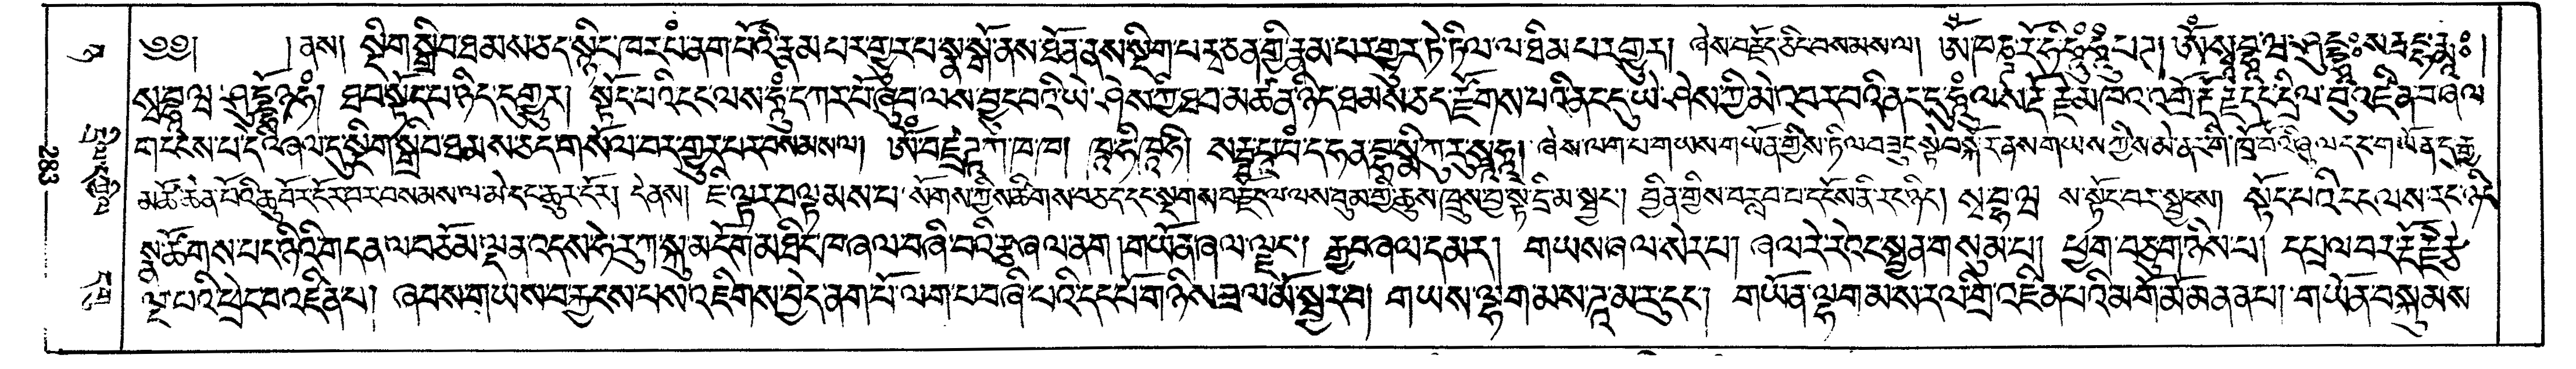༄༅། །ནས། སྡིག་སྒྲིབ་ཐམས་ཅད་སྙིང་ཁར་པཎ་ནག་པོ་འི་རྣམ་པར་གྱུར་པ་སྣ་སྒོ་ནས་ཐོན་ནས་སྡིག་བ་རྭ་ཅན་གྱི་རྣམ་པར་གྱུར་ཏེ་ཏིལ་ལ་ཐིམ་པར་གྱུར། ཞེས་བརྗོད་ཅིང་བསམས་ལ། ཨོཾ་ཁཎྜ་རོ་ཧི་ཧུཾ་ཧཱུཾ་ཕཊ། ཨོཾ་སྭ་བྷཱ་ཝ་ཤུདྡྷཱཿ སརྦ་དྷརྨཱཿ
སྭ་བྷཱ་ཝ་ཤུདྡྷོཉཧཾ། ཐབ་སྟོང་པ་ཉིད་དུ་གྱུར། སྟོང་པའི་ངང་ལས་ཧཱུཾ་དཀར་པོ་ཞུ་བ་ལས་བྱུང་བའི་ཡེ་ཤེས་ཀྱི་ཐབ་མཚན་ཉིད་ཐམས་ཅད་རྫོགས་པའི་ནང་དུ་ཡེ་ཤེས་ཀྱི་མེ་འབར་བའི་ནང་དུ་ཧཱུཾ་ལས་རྡོ་རྗེ་མཁའ་འགྲོ་རྡོ་རྗེ་དང་དྲིལ་བུ་འཛིན་པ་ཞལ་
གདངས་པ་དེའི་ཞལ་དུ་སྡིག་སྒྲིབ་ཐམས་ཅད་གསོལ་བར་གྱུར་པར་བསམས་ལ། ཨོཾ་བཛྲ་ཌཱ་ཀ་ཁ་ཁ། ཁཱ་ཧི་ཁཱ་ཧི། སརྦྦ་པཱ་པཾ་ད་ཧ་ན་བྷ་སྨི་ཀུ་རུ་སྭཱ་ཧཱ། ཞེས་ལག་པ་གཡས་གཡོན་གྱིས་ཏིལ་བཟུང་སྟེ་བསྐོར་ནས་གཡས་ཀྱིས་མེ་ནང་གི་ཁྲོ་བོའི་ཞལ་དང་གཡོན་དུ་རྒྱ་
མཚོ་ཆེན་པོའི་ཆུ་བོར་དོར་བར་བསམས་ལ་མེ་དང་ཆུར་དོར། དེ་ནས། ཇི་ལྟར་བལྟམས་པ་སོགས་ཀྱིས་ཚིགས་བཅད་དང་སྔགས་བརྗོད་ལ་ལས་བུམ་གྱི་ཆུས་ཁྲུས་བྱ་སྟེ་དྲི་མ་སྦྱང་། བྱིན་གྱིས་བརླབ་པ་དངོས་ནི་རང་ཉིད། སྭ་བྷཱ་ཝ་ས་སྟོང་པར་སྦྱངས། སྟོང་པའི་དང་ལས་རང་ཉིད་
སྣ་ཚོགས་ཕང་ཉིའི་མདན་ལ་བཅོམ་ལྡན་འདས་ཧེ་རེའུ་ཀ་སྐུ་མདོག་མཐིང་ཁ་ཞལ་བཞི་པའི་རྩ་ཞལ་བཞི་པའི་རྩ་ཞལ་ནག །གཡོན་ཞལ་ལྗང་། རྒྱབ་ཞལ་དམར། གཡས་ཞལ་སེར་བ། ཞལ་རེ་རེའང་སྤྱན་གསུམ་པ། ཕྱག་བཅུ་གཉིས་པ། དཔྲལ་བར་རྡོ་རྗེ་རྩེ་
ལྔ་པའི་ཕྲེང་བ་འཛིན་པ། ཞབས་གཡས་བརྐྱངས་པས་འཇིགས་བྱེད་ནག་པོ་ལག་པ་བཞི་པའི་དང་པོ་གཉིས་ཐལ་མོ་སྦྱར་བ། གཡས་ལྷག་མས་ཌཱ་མ་རུ་དང་། གཡོན་ལྷག་མས་རལ་གྲི་འཛིན་པའི་མགོ་པོ་མནན་པ། གཡོན་བསྐུམས་